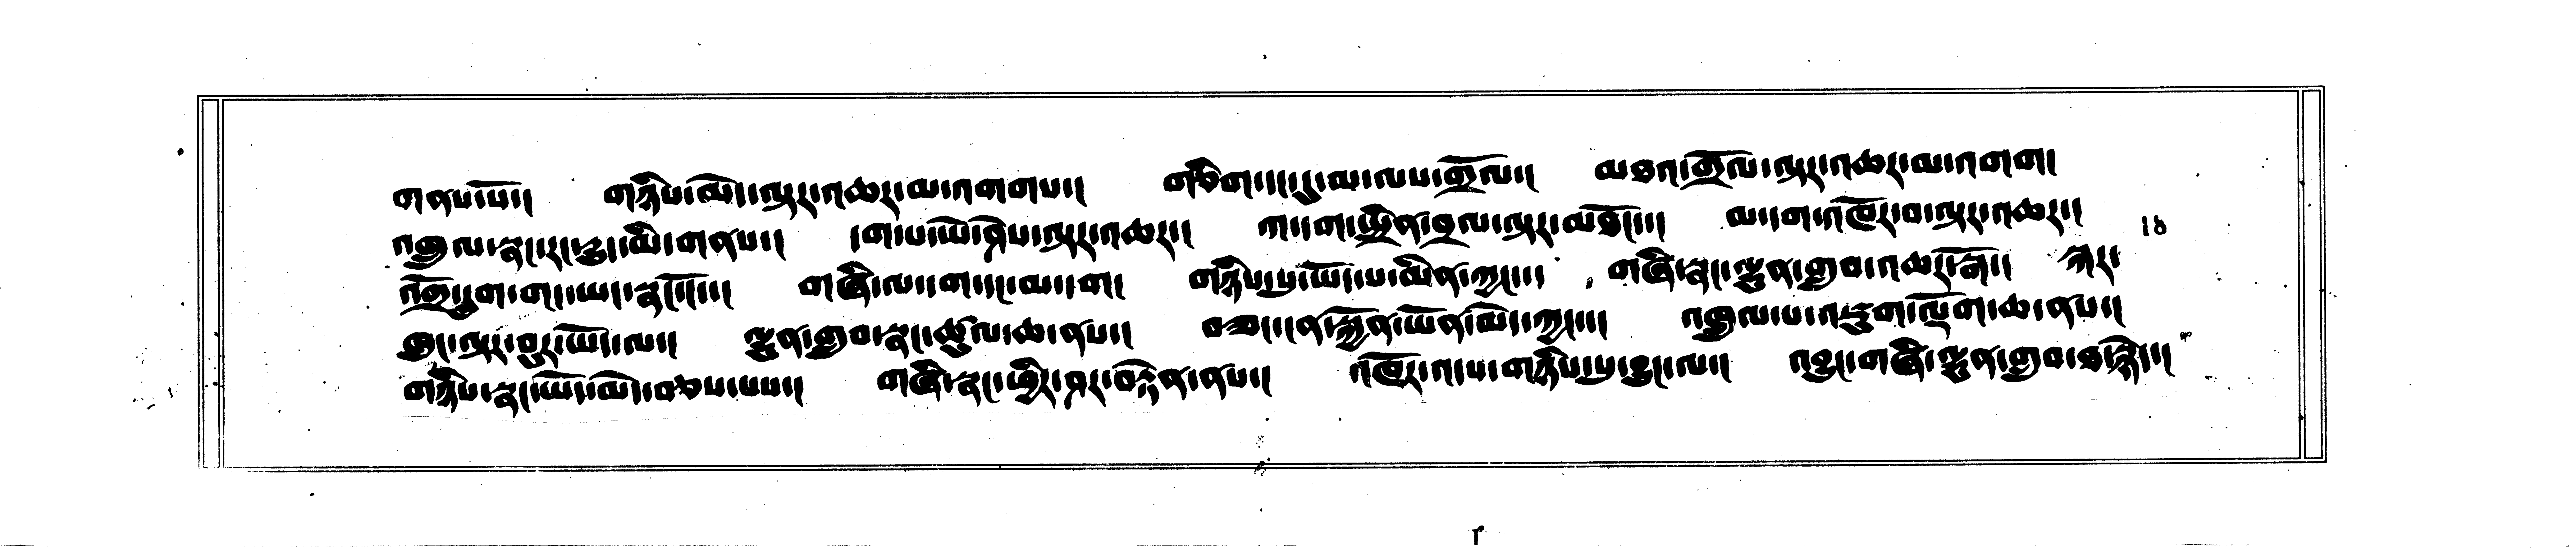གནས་སོ། །གཉིས་མེད་ལྟར་འཆར་མ་འགག །གཅིག་དང་དུ་མ་ལས་གྲོལ། །མཐའ་གྲོལ་ལྟར་འཆར་མ་འགག 
།འཁྲུལ་སྣང་རང་རྒྱུད་མི་གནས། །དག་པ་ཡེ་ཤེས་ལྟར་འཆར། །ཀ་དག་སྤྲིན་བྲལ་ལྟར་མཐོང་། །མ་དག་འཁོར་བ་ལྟར་འཆར། 
།འགྲོ་དྲུག་གང་ཡང་སྣང་ངོ་། །གཞི་ལ་དག་དང་མ་དག། གཉིས་སུ་ཡོད་པ་མིན་ཀྱང་། །གཞི་སྣང་ལྷུན་གྲུབ་འཆར་སྒོ། །སྐར་
ཁུང་ལྟར་དུ་ཡོད་ལ། །ལྷུན་གྲུབ་སྣང་ཚུལ་ཆ་ནས། །བཟང་ངན་སྐྱོན་མེད་ཀྱང་། །འཁྲུལ་པ་འཇུག་ལྡོག་ཆ་ནས། 
།གཉིས་སྣང་ཡོད་མེད་བཅས་པས། །གཞི་སྣང་ཕྱིར་ཤར་བརྟེན་ནས། །འཁོར་འདས་གཉིས་སུ་བྱུང་ལ། །འབྱུང་གཞི་ལྷུན་གྲུབ་ཐ་སྙད། །